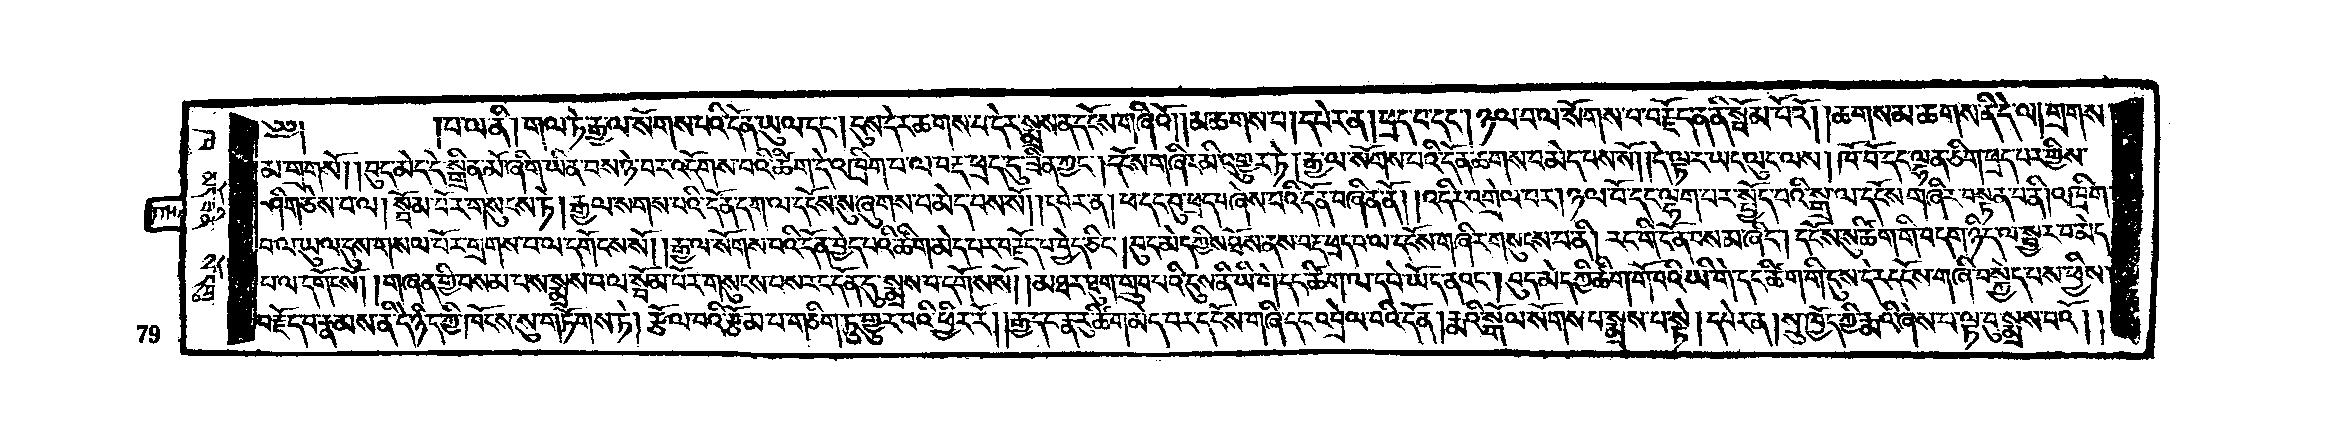༄༅། །པ་ལ་ནི། གལ་ཏེ་རྒྱ་ལ་སོགས་པའི་དོན་ཡུལ་དང་། དུས་དེར་ཆགས་པ་དེར་སྨྲས་ན་དངོས་གཞིའོ། །མ་ཆགས་པ། དཔེར་ན། ཕྲད་པ་དང་། ཉལ་བ་ལ་སོགས་པ་བརྗོད་ན་ནི་སྦོམ་པོའོ། །ཆགས་མ་ཆགས་ནི་དེ་ལ། གྲགས་
མ་གྲགས་སོ། །བུད་མེད་དེ་སྒྲིན་མེ་ཞིག་ཡིན་པས་ཉེ་བར་འདོགས་པའི་ཚིག་དེ་འཁྲིག་པ་ལ་བརྡ་ཕྲད་དུ་ཟིན་ཀྱང་། དངོས་གཞིར་མི་འགྱུར་ཏེ། རྒྱ་ལ་སོགས་པའི་དོན་ཆགས་པ་མེད་པས་སོ། །དེ་ལྟར་ཡང་ལུང་ལས། ཁོ་བོ་དང་ལྷན་ཅིག་ཕྲད་པར་གྱིས་
ཤིག་ཅེས་པ་ལ། སྦོམ་པོར་གསུངས་ཏེ། རྒྱ་ལ་སོགས་པའི་དོན་དག་ལ་དངོས་སུ་ཞུགས་པ་མེད་པས་སོ། །དཔེར་ན། ཕ་དང་བུ་ཕྲད་པ་ཞེས་པའི་དོན་བཞིན་ནོ། །འདིར་འགྲེལ་པར། ཉལ་པོ་དང་ལྷག་པར་སྤྱོད་པའི་སྒྲ་ལ་དངོས་གཞིར་བསྟན་པ་ནི། འཁྲིག་
པ་ལ་ཡུལ་དུས་གསལ་པོར་གྲགས་པ་ལ་དགོངས་སོ། །རྒྱ་ལ་སོགས་པའི་དོན་བྱེད་པའི་ཚིག་མེད་པར་བརྗོད་པ་བྱེད་ཅིང་། བུད་མེད་ཀྱིས་ཐོས་ནས་བརྡ་ཕྲད་པ་ལ་དངོས་གཞིར་གསུངས་པ་ནི། རང་གི་དོན་བསམ་ཞིང་། དངོས་སུ་ཚིག་གི་བདག་ཉིད་ལ་སྦྱར་བ་མེད་
པ་ལ་དགོངས་སོ། །གཞན་གྱི་བསམ་པས་སྨྲས་པ་ལ་སྦོམ་པོར་གསུངས་པས་རང་དོན་དུ་སྨྲས་པ་དགོས་སོ། །མཐར་ཐུག་གྲུབ་པའི་དུས་ནི་ཡི་གེ་དང་ཚིག་ལ་དཔེ་ཡོད་ནའང་། བུད་མེད་ཀྱི་ཚིག་གོ་བའི་ཡི་གེ་དང་ཚིག་གི་དུས་དེར་དངོས་གཞི་བསྐྱེད་པས་ཕྱིས་
བརྗོད་པ་རྣམས་ནི་དེ་ཉིད་ཀྱི་ཁོངས་སུ་གཏོགས་ཏེ། རྩོལ་བའི་རྩོམ་པ་གཅིག་ཏུ་གྱུར་པའི་ཕྱིར་རོ། །རྒྱ་དང་རྣ་རུ་ཚིག་མེད་པར་དངོས་གཞི་དང་འབྲེལ་བའི་དོན། རྨའི་སྒོ་ལ་སོགས་པ་སྨྲས་པ་སྟེ། དཔེར་ན། སྲུ་ཁྱོད་ཀྱི་རྨའི་ཞེས་པ་ལྟ་བུ་སྨྲས་པའོ།།